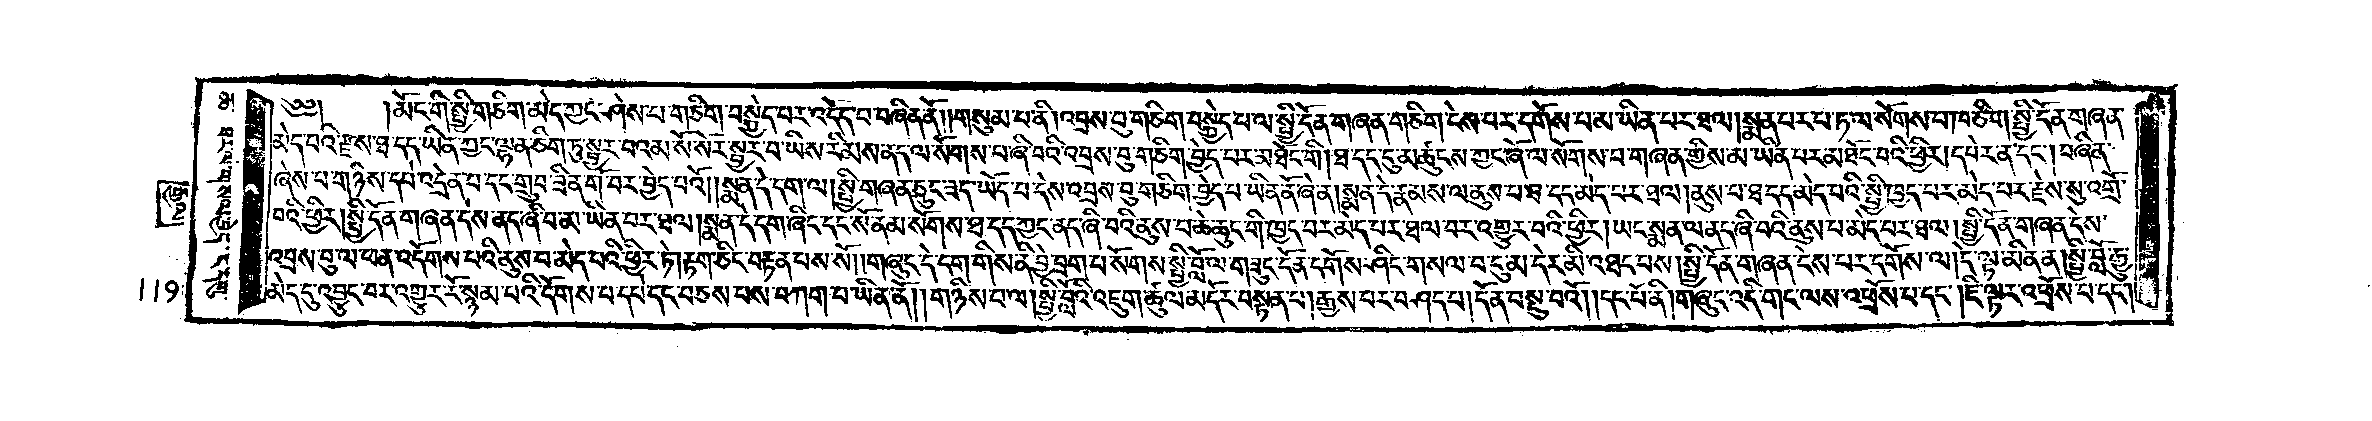༄༅། །མོང་གི་སྤྱི་གཅིག་མེད་ཀྱང་ཤེས་པ་གཅིག་བསྐྱེད་པར་འདོད་པ་བཞིན་ནོ། །གསུམ་པ་ནི། འབྲས་བུ་གཅིག་བསྐྱེད་པ་ལ་སྤྱི་དོན་གཞན་གཅིག་ངེས་པར་དགོས་པ་མ་ཡིན་པར་ཐལ། སྨན་པར་པ་ཏ་ལ་སོགས་པ་ཁ་ཅིག་སྤྱི་དོན་གཞན་
མེད་པའི་རྫས་ཐ་དད་ཡིན་ཀྱང་ལྷན་ཅིག་ཏུ་སྦྱར་བའམ་སོ་སོར་སྦྱར་བ་ཡིས་རིམས་ནད་ལ་སོགས་པ་ཞི་བའི་འབྲས་བུ་གཅིག་བྱེད་པར་མཐོང་གི། ཐ་དད་དུ་མཚུངས་ཀྱང་ཞོ་ལ་སོགས་པ་གཞན་གྱིས་མ་ཡིན་པར་མཐོང་བའི་ཕྱིར། དཔེར་ན་དང་། བཞིན་
ཞེས་པ་གཉིས་དཔེ་འདྲེན་པ་དང་གྲུབ་ཟིན་གོ་བར་བྱེད་པའོ། །སྨན་དེ་དག་ལ། སྤྱི་གཞན་ཅུང་ཟད་ཡོད་པ་དེས་འབྲས་བུ་གཅིག་བྱེད་པ་ཡིན་ནོ་ཞེ་ན། སྨན་དེ་རྣམས་ལ་ནུས་པ་ཐ་དད་མེད་པར་ཐལ། ནུས་པ་ཐ་དད་མེད་པའི་སྤྱི་ཁྱད་པར་མེད་པར་རྗེས་སུ་འགྲོ་
བའི་ཕྱིར། སྤྱི་དོན་གཞན་དེས་ནད་ཞི་བ་མ་ཡིན་པར་ཐལ། སྨན་དེ་དག་ཞིང་དང་སོ་ནམ་སོགས་ཐ་དད་ཀྱང་ནད་ཞི་བའི་ནུས་པ་ཆེ་ཆུང་གི་ཁྱད་པར་མེད་པར་ཐལ་བར་འགྱུར་བའི་ཕྱིར། ཡང་སྨན་ལ་ནད་ཞི་བའི་ནུས་པ་མེད་པར་ཐལ། སྤྱི་དོན་གཞན་དེས་
འབྲས་བུ་ལ་ཕན་འདོགས་པའི་ནུས་པ་མེད་པའི་ཕྱིར་ཏེ། རྟག་ཅིང་བརྟན་པས་སོ། །གཞུང་དེ་དག་གིས་ནི་བྱེ་བྲག་པ་སོགས་སྤྱི་བློ་ལ་གཟུང་དོན་དགོས་ཤིང་གསལ་བ་དུ་མ་དེར་མི་འཐད་པས། སྤྱི་དོན་གཞན་ངེས་པར་དགོས་ལ། དེ་ལྟ་མིན་ན། སྤྱི་བློ་རྒྱུ་
མེད་དུ་འབྱུང་བར་འགྱུར་རོ་སྙམ་པའི་དོགས་པ་དཔེ་དང་བཅས་པས་བཀག་པ་ཡིན་ནོ། །གཉིས་པ་ལ། སྤྱི་བློའི་འཇུག་ཚུལ་མདོར་བསྟན་པ། རྒྱས་པར་བཤད་པ། དོན་བསྡུ་བའོ། །དང་པོ་ནི། གཞུང་འདི་གང་ལས་འཕྲོས་པ་དང་། ཇི་ལྟར་འཕྲོས་པ་དང་།